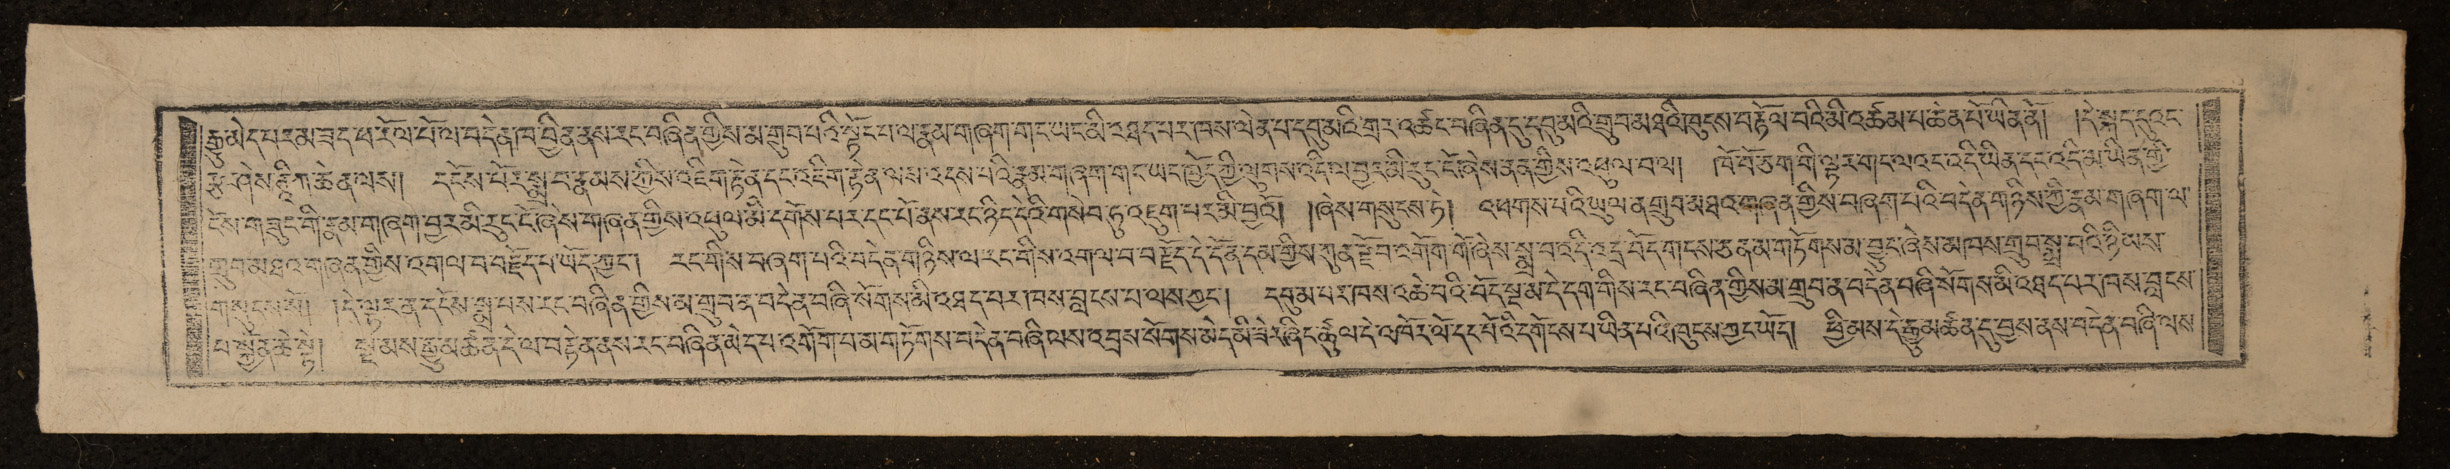རྒྱུ་མེད་པར་མ་ཟད་ཕ་རོལ་པོ་ལ་བདེན་ཁ་བྱིན་ནས་རང་བཞིན་གྱིས་མ་གྲུབ་པའི་སྟོང་པ་ལ་རྣམ་གཞག་གང་ཡང་མི་འཐད་པར་ཁས་ལེན་པ་དབུ་མའི་གྲར་འཚང་བཞིན་དུ་དབུ་མའི་གྲུབ་མཐའི་ཁུངས་བརྟོལ་བའི་མི་འཚམ་པ་ཆེན་པོ་ཡིན་ནོ། །དེ་སྐད་དུའང་
རྩ་ཤེས་ཊཱིཀ་ཆེན་ལས། དངོས་པོས་སྨྲ་བ་རྣམས་ཀྱིས་འཇིག་རྟེན་དང་འཇིག་རྟེན་ལས་འདས་པའི་རྣམ་གཞག་གང་ཡང་ཁྱོད་ཀྱི་ལུགས་འདི་ལ་བྱར་མི་རུང་ངོ་ཞེས་ནན་གྱིས་འཕུལ་བ་ལ། ཁོ་བོ་ཅག་གི་ལྟར་གང་ལའང་འདི་ཡིན་དང་འདི་མ་ཡིན་གྱི་
ངོས་གཟུང་གི་རྣམ་གཞག་བྱར་མི་རུང་ངོ་ཞེས་གཞན་གྱིས་འཕུལ་མི་དགོས་པར་དང་པོ་ནས་རང་ཉིད་དེའི་གསེབ་ཏུ་འཇུག་པར་མི་བྱའོ། །ཞེས་གསུངས་ཏེ། འཕགས་པའི་ཡུལ་ན་གྲུབ་མཐའ་གཞན་གྱིས་བཞག་པའི་བདེན་གཉིས་ཀྱི་རྣམ་གཞག་ལ་
གྲུབ་མཐའ་གཞན་གྱིས་འགལ་བ་བརྗོད་པ་ཡོད་ཀྱང་། རང་གིས་བཞག་པའི་བདེན་གཉིས་ལ་རང་གིས་འགལ་བ་བརྗོད་དེ་དོན་དམ་གྱིས་ཀུན་རྫོབ་འགོག་གོ་ཞེས་སྨྲ་བ་འདི་འདྲ་བོད་གངས་ཅན་མ་གཏོགས་མ་བྱུང་ཞེས་མཁས་གྲུབ་སྨྲ་བའི་ཉི་མས་
གསུངས་སོ། །དེ་ལྟར་ན་དངོས་སྨྲ་བས་རང་བཞིན་གྱིས་མ་གྲུབ་ན་བདེན་བཞི་སོགས་མི་འཐད་པར་ཁས་བླངས་པ་ལས་ཀྱང་། དབུ་མ་པར་ཁས་འཆེ་བའི་བོད་སྔ་མ་དེ་དག་གིས་རང་བཞིན་གྱིས་མ་གྲུབ་ན་བདེན་བཞི་སོགས་མི་འཐད་པར་ཁས་བླངས་
པ་སྐྱོན་ཆེ་སྟེ། སྔ་མས་རྒྱུ་མཚན་དེ་ལ་བརྟེན་ནས་རང་བཞིན་མེད་པ་འགོག་པ་མ་གཏོགས་བདེན་བཞི་ལས་འབྲས་སོགས་མེད་མི་ཟེར་ཞིང་ཚུལ་དེ་འཁོར་ལོ་དང་པོའི་དགོས་པ་ཡིན་པའི་ཁུངས་ཀྱང་ཡོད། ཕྱི་མས་དེ་རྒྱུ་མཚན་དུ་བྱས་ནས་བདེན་བཞི་ལས་